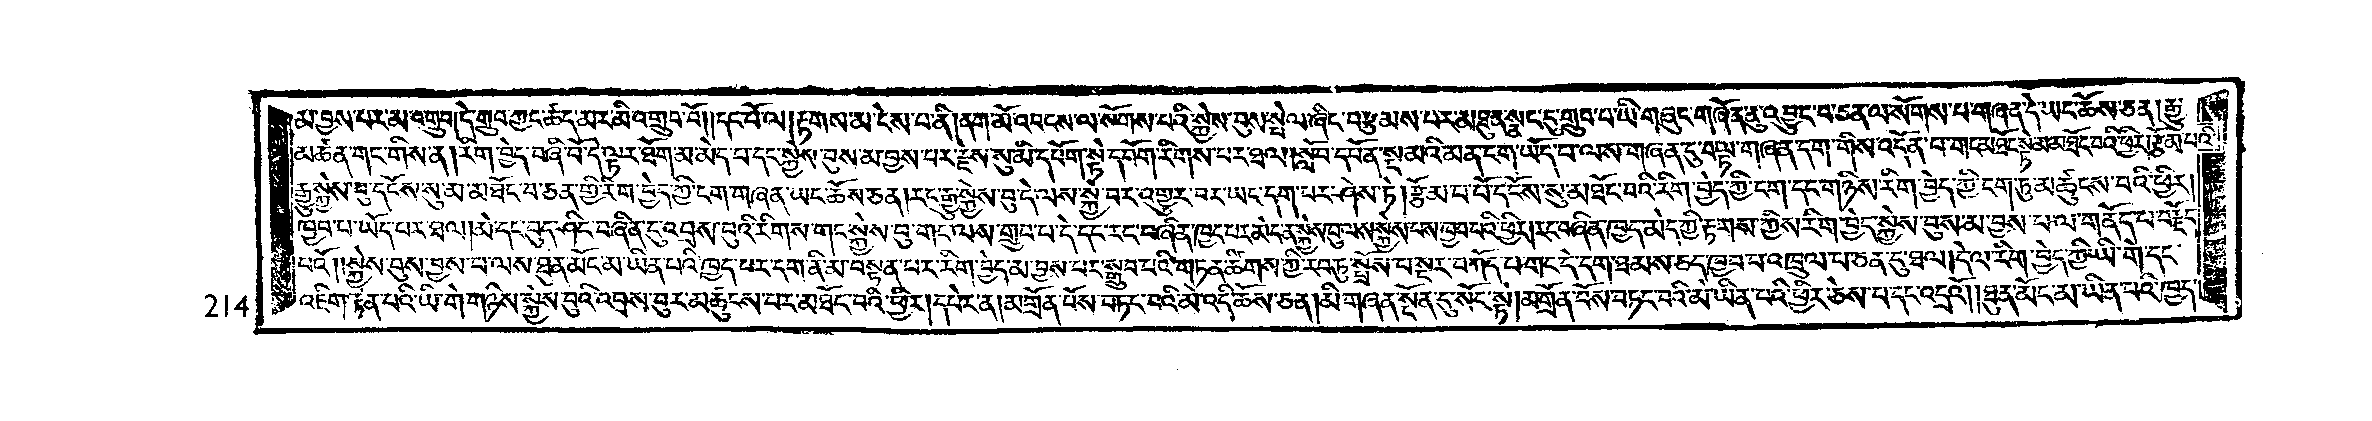མ་བྱས་པར་མ་འགྲུབ། དེ་གྲུབ་ཀྱང་ཚད་མར་མི་འགྲུབ་བོ། །དང་པོ་ལ། རྟགས་མ་ངེས་པ་ནི། ནག་མོ་འབངས་ལ་སོགས་པའི་སྐྱེས་བུས་སྤེལ་ཞིང་བརྩམས་པར་མཐུན་སྣང་དུ་གྲུབ་པ་ཡི་གཞུང་གཞོན་ནུ་འབྱུང་བ་ཅན་ལ་སོགས་པ་གཞན་དེ་ཡང་ཆོས་ཅན། རྒྱུ་
མཚན་གང་གིས་ན། རིག་བྱེད་བཞི་པོ་དེ་ལྟར་ཐོག་མ་མེད་པ་དང་སྐྱེས་བུས་མ་བྱས་པར་རྗེས་སུ་མི་དཔོག་སྟེ་དཔོག་རིགས་པར་ཐལ། སློབ་དཔོན་སྔ་མའི་མན་ངག་ཡོད་པ་ལས་གཞན་དུ་བལྟ་གཞན་དག་གིས་འདོན་པ་གང་མཐོང་སྟེ་མ་མཐོང་བའི་ཕྱིར། རྩོམ་པའི་
རྒྱུ་སྐྱེས་བུ་དངོས་སུ་མ་མཐོང་བ་ཅན་གྱི་རིག་བྱེད་ཀྱི་ངག་གཞན་ཡང་ཆོས་ཅན། རང་རྒྱུ་སྐྱེས་བུ་དེ་ལས་སྐྱེ་བར་འགྱུར་བར་ཡང་དག་པར་ཤེས་ཏེ། རྩོམ་པ་པོ་དངོས་སུ་མཐོང་བའི་རིག་བྱེད་ཀྱི་ངག་དང་གཉིས་རིག་བྱེད་ཀྱི་ངག་ཏུ་མཚུངས་པའི་ཕྱིར།
ཁྱབ་པ་ཡོད་པར་ཐལ། མེ་དང་བུད་ཤིང་བཞིན་དུ་འབྲས་བུའི་རིགས་གང་སྐྱེས་བུ་གང་ལས་གྲུབ་པ་དེ་དང་རང་བཞིན་ཁྱད་པར་མེད་ན་སྐྱེས་བུ་ལས་སྐྱེས་པས་ཁྱབ་པའི་ཕྱིར། རང་བཞིན་ཁྱད་མེད་ཀྱི་རྟགས་ཀྱིས་རིག་བྱེད་སྐྱེས་བུས་མ་བྱས་པ་ལ་གནོད་པ་བརྗོད་
པའོ། །སྐྱེས་བུས་བྱས་པ་ལས་ཐུན་མོང་མ་ཡིན་པའི་ཁྱད་པར་དག་ནི་མ་བསྟན་པར་རིག་བྱེད་མ་བྱས་པར་སྒྲུབ་པའི་གཏན་ཚིགས་ཀྱི་རབ་ཏུ་སྤྲོས་པ་སྔར་བཀོད་པ་གང་དེ་དག་ཐམས་ཅད་ཁྱབ་པ་འཁྲུལ་པ་ཅན་དུ་ཐལ། དེ་ལ་རིག་བྱེད་ཀྱི་ཡི་གེ་དང་
འཇིག་རྟེན་པའི་ཡི་གེ་གཉིས་སྐྱེས་བུའི་འབྲས་བུར་མཚུངས་པར་མཐོང་བའི་ཕྱིར། དཔེར་ན། མགྲོན་པོས་བཏང་བའི་མེ་འདི་ཆོས་ཅན། མི་གཞན་སྔོན་དུ་སོང་སྟེ། མགྲོན་པོས་བཏང་བའི་མེ་ཡིན་པའི་ཕྱིར་ཅེས་པ་དང་འདྲའོ། །ཐུན་མོང་མ་ཡིན་པའི་ཁྱད་